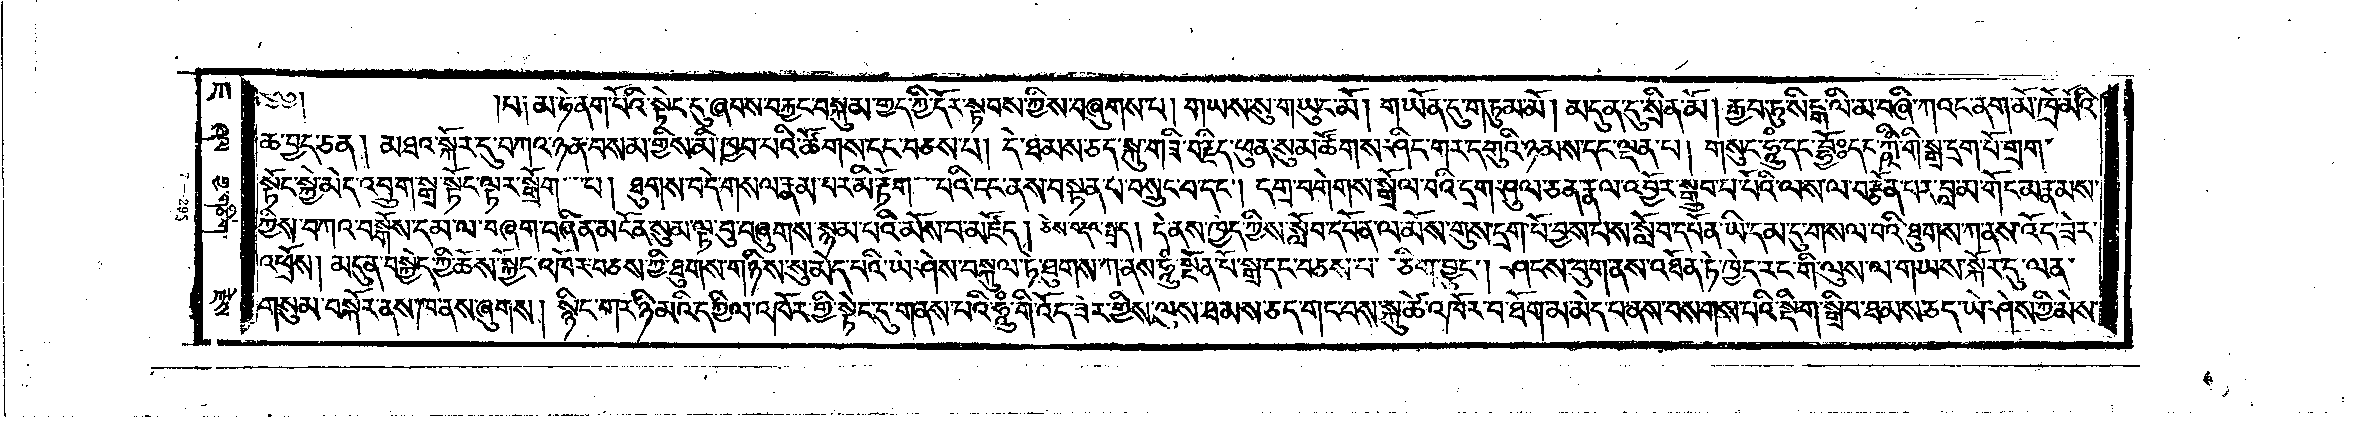༄༅། །པ༑ མ་ཧེ་ནག་པོའི་སྟེང་དུ་ཞབས་བརྐྱང་བསྐུམ་གྱད་ཀྱི་དོར་སྟབས་ཀྱིས་བཞུགས་པ། གཡས་སུ་གཡུང་མོ། གཡོན་དུ་གཏུམ་མོ། མདུན་དུ་སྲིན་མོ། རྒྱབ་ཏུ་སིངྒ་ལི་མ་བཞི་ཀའང་ནག་མོ་ཁྲོ་མོའི་
ཆ་བྱད་ཅན། མཐའ་སྐོར་དུ་བཀའ་ཉན་བསམ་གྱིས་མི་ཁྱབ་པའི་ཚོགས་དང་བཅས་པ། དེ་ཐམས་ཅད་སྐུ་གཟི་བརྗིད་ཕུན་སུམ་ཚིགས་ཤིང་གར་དགུའི་ཉམས་དང་ལན་པ། གསུང་ཧཱུམ་དང་བྷྱོཿ དང་ཀྵིཾ་གི་སྒྲ་དྲག་པོ་གྲག་
སྟོང་སྐྱེ་མེད་འབྲུག་སྒྲ་སྟོང་ལྟར་སྒྲོག་པ། ཐུགས་བདེ་གསལ་རྣམ་པར་མི་རྟོག་པའི་ངང་ནས་བསྟན་པ་བསྲུང་བ་དང་། དགྲ་བགེགས་སྒྲོལ་བའི་དྲག་ཤུལ་ཅན་རྣལ་འབྱོར་སྒྲུབ་པ་པོའི་ལས་ལ་བརྩོན་པར་བླ་མ་གོང་མ་རྣམས་
ཀྱིས་བཀའ་བསྒོས་དམ་ལ་བཞག་བཞིན་མངོན་སུམ་ལྟ་བུ་བཞུགས་སྙམ་པའི་མོས་པ་མཛོད། ཅེས་བརྡའ་སྤྲད།  དེས་ནས་ཁྱེད་ཀྱིས་སློབ་དཔོན་ལ་མོས་གུས་དྲག་པོ་བྱས་པས་སློབ་དཔོན་ཡི་དམ་དུ་གསལ་བའི་ཐུགས་ཀ་ནས་འོད་ཟེར་
འཕྲོས། མདུན་བསྐྱེད་ཀྱི་ཆོས་སྐྱོང་འཁོར་བཅས་ཀྱི་ཐུགས་གཉིས་སུ་མེད་པའི་ཡེ་ཤེས་བསྐུལ་ཏེ་ཐུགས་ཀ་ནས་ཧཱུཾ་སྔོན་པོ་སྒྲ་དང་བཅས་པ་ཅིག་བྱུང་། ཤངས་བུག་ནས་འཐོན་ཏེ་ཁྱེད་རང་གི་ལུས་ལ་གཡས་སྐོར་དུ་ལན་
གསུམ་བསྐོར་ནས་ཁ་ནས་ཞུགས། སྙིང་གར་ཉི་མའི་དཀྱིལ་འཁོར་གྱི་སྟེང་དུ་གནས་པའི་ཧཱུཾ་གི་འོད་ཟེར་གྱིས་ལུས་ཐམས་ཅད་གང་བས་སྐུ་ཚེ་འཁོར་པ་ཐོག་མ་མེད་པ་ནས་བསགས་པའི་སྡིག་སྒྲིབ་ཐམས་ཅད་ཡེ་ཤེས་ཀྱི་མེས་